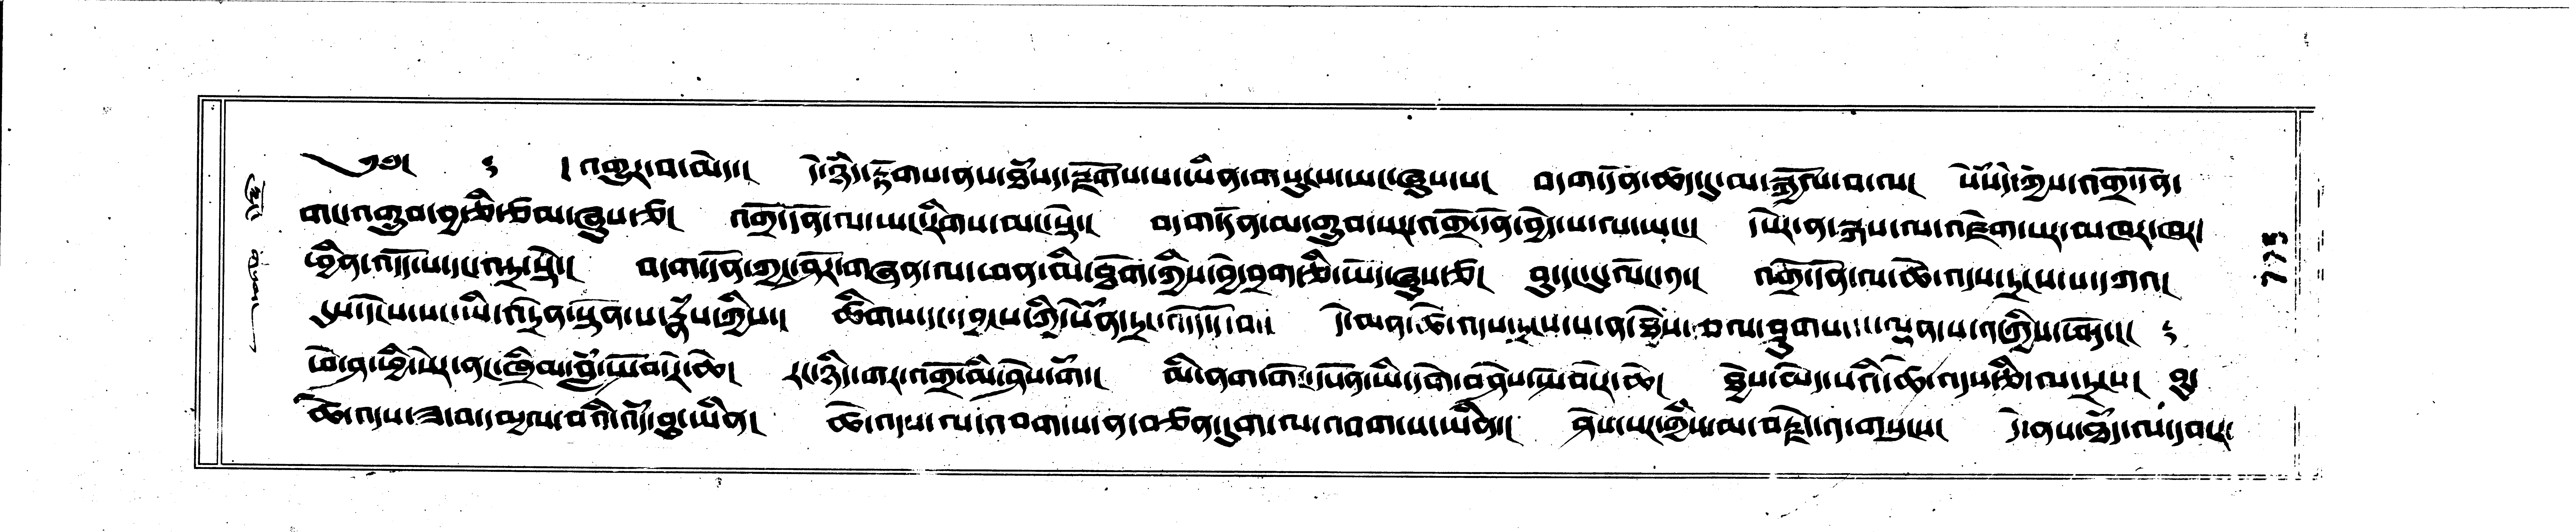འགྱུར་བ་མེད། དེ་ཉིད་རྟོགས་ན་ཐམས་ཅད་རྫོགས་པ་ཡིན་གསུངས། ཡང་ཞུས་པ། བདག་དོན་ཚད་དུ་མ་སྐྱོལ་བ་ལ། སེམས་བསྐྱེད་ཀྱིས་འགྲོ་དོན་
གང་འགྲུབ་བྱ་ཅི་ཙམ་ཞུས་ཙ། འགྲོ་དོན་ལ་ཡང་རིགས་མང་སྟེ། བདག་དོན་མ་གྲུབ་པར་འགྲོ་དོན་བྱེད་པ་ལ་ཡང་། དཔེར་ན་སྐས་ལ་འཛེགས་པར་མཁར་ཁར་
ཕྱིན་འདོད་པ་དང་འདྲ་སྟེ། བདག་དོན་ཀྱང་ཤོར་གཞན་ལ་ཕན་མི་ཐོགས་ཀྱི་བྱེ་བྲག་ཅི་ཡོད་ཞུས་ཙ། བུ་དང་དུ་ལོངས་ཅིག འགྲོ་དོན་ལ་ཚེ་འདས་དྲངས་པ་དཀའ།
 དུས་དེང་སང་ཡི་འདྲེན་སྟོན་པ་རྣམས་ཀྱིས། ཚིག་དང་དབྱངས་ཀྱིས་སེམས་ཅན་དྲངས་འདོད་བདོ་བ། དེ་མིན་ཚེ་འདས་དྲངས་པ་ན་ཐུགས་རྗེའི་རྩལ་ཤུགས་དང་ལྡན་པ་ཅིག་གིས་ཕོད། 
ཕེ་ཤ་ཕྱི་སེར་ནང་ཁྲིམས་བླ་མ་སྤོབས་རེ་ཆེ། རང་ཉིད་གར་འགྲོ་མི་ཤེས་གམ། མི་ནག་གོང་དཔོན་གྱི་དགེ་བཤེས་སྤོབས་རེ་ཆེ། ཐུགས་རྗེ་མེད་པས་ཚེ་འདས་ཅི་ལ་དྲངས། བུ་
ཚེ་འདས་ཟ་བ་དམྱལ་བའི་འདམ་བུ་ཡིན། ཚེ་འདས་ལ་འབག་པ་ན་བཙན་དུག་ལ་འབག་པ་ཡིན། ཤེས་པར་གྱིས་མ་བརྗེད་ཅིག་གསུངས། དེ་ནས་ཐམས་ཅད་ལ་དབང་བསྐུར་